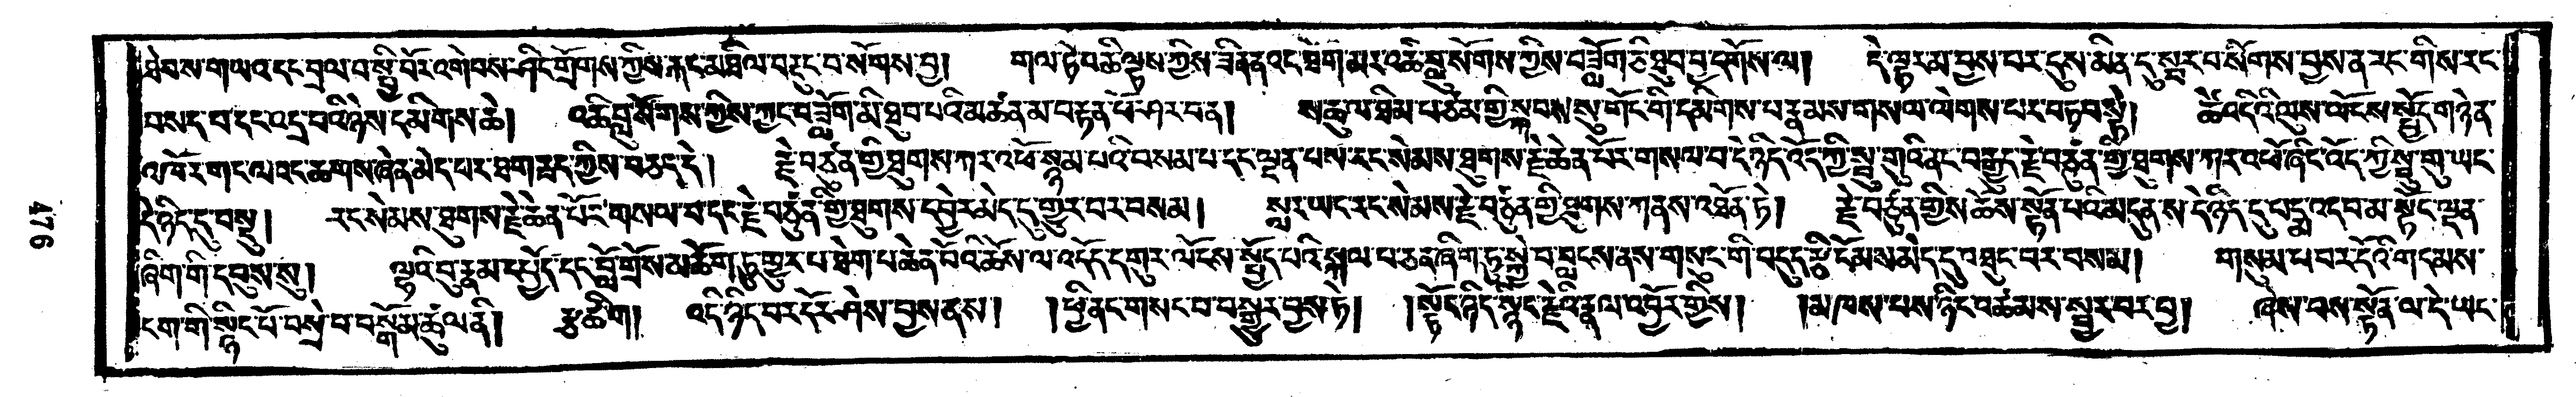ཐེབས་གཡཱ་དང་བྲལ་བ་སྦྱི་བོར་འགེབས་ཤིང་གྲོགས་ཀྱིས་རྐང་མཐིལ་བརྡུང་བ་སོགས་བྱ། གལ་ཏེ་བ་ཆི་ལྟས་ཀྱིས་ཟིན་ནའང་ཐོག་མར་འཆི་བླུ་སོགས་ཀྱིས་བཟློག་ཅི་ཐུབ་བྱ་དགོས་ལ། དེ་ལྟར་མ་བྱས་པར་དུས་མིན་དུ་སྦར་བ་སོགས་བྱས་ན་རང་གིས་རང་
བསད་པ་དང་འདྲ་བའི་ཉེས་དམིགས་ཆེ། འཆི་བླུ་སོགས་ཀྱིས་ཀྱང་བཟློག་མི་ཐུབ་པའི་མཚན་མ་བརྟན་པོ་ཤར་བ་ན། ས་ཆུ་ལ་ཐིམ་པ་ཙམ་གྱི་སྐབས་སུ་གོང་གི་དམིགས་པ་རྣམས་གསལ་ལེགས་པར་བཏབ་སྟེ། ཚེ་འདིའི་ལུས་ལོངས་སྤྱོད་གཉེན་
འཁོར་གང་ལའང་ཆགས་ཞེན་མེད་པར་ཐག་རྦད་ཀྱིས་བཅད་དེ། རྗེ་བཙུན་གྱི་ཐུགས་ཀར་འཕོ་སྙམ་པའི་བསམ་པ་དང་ལྡན་པས་རང་སེམས་ཐུགས་རྗེ་ཆེན་པོར་གསལ་བ་དེ་ཉིད་འོད་ཀྱི་སྦུ་གུའི་ནང་བརྒྱུད་རྗེ་བཙུན་གྱི་ཐུགས་ཀར་འཕོ་ཞིང་འོད་ཀྱི་སྦུ་གུ་ཡང་
དེ་ཉིད་དུ་བསྡུ། རང་སེམས་ཐུགས་རྗེ་ཆེན་པོར་གསལ་བ་དང་རྗེ་བཙུན་གྱི་ཐུགས་དབྱེར་མེད་དུ་གྱུར་པར་བསམ། སླར་ཡང་རང་སེམས་རྗེ་བཙུན་གྱི་ཐུགས་ཀ་ནས་འཐོན་ཏེ། རྗེ་བཙུན་གྱིས་ཆོས་སྟོན་པའི་མདུན་ས་དེ་ཉིད་དུ་པདམ་འདབ་མ་སྟོང་ལྡན་
ཞིག་གི་དབུས་སུ། ལྷའི་བུ་རྣམ་དཔྱོད་དང་བློ་གྲོས་མཆོག་ཏུ་གྱུར་པ་ཐེག་པ་ཆེན་པོའི་ཆོས་ལ་འདོད་དགུར་ལོངས་སྤྱོད་པའི་སྐལ་བ་ཅན་ཞིག་ཏུ་སྐྱེ་བ་བླངས་ནས་གསུང་གི་བདུད་རྩི་ངོམས་མེད་དུ་འཐུང་བར་བསམ། གསུམ་པ་བར་དོའི་གདམས་
ངག་གི་སྙིང་པོ་བསྲེ་བ་བསྒོམ་ཚུལ་ནི། རྩ་ཚིག། འདི་ཉིད་བར་དོར་ཤེས་བྱས་ནས། །ཕྱི་ནང་གསང་བ་བསྒྱུར་བྱས་ཏེ། །སྟོང་ཉིད་སྙིང་རྗེའི་རྣལ་འབྱོར་གྱིས། །མཁས་པས་ཉིད་མཚམས་སྦྱར་བར་བྱ། ཞེས་བས་སྟོན་ལ་དེ་ཡང་